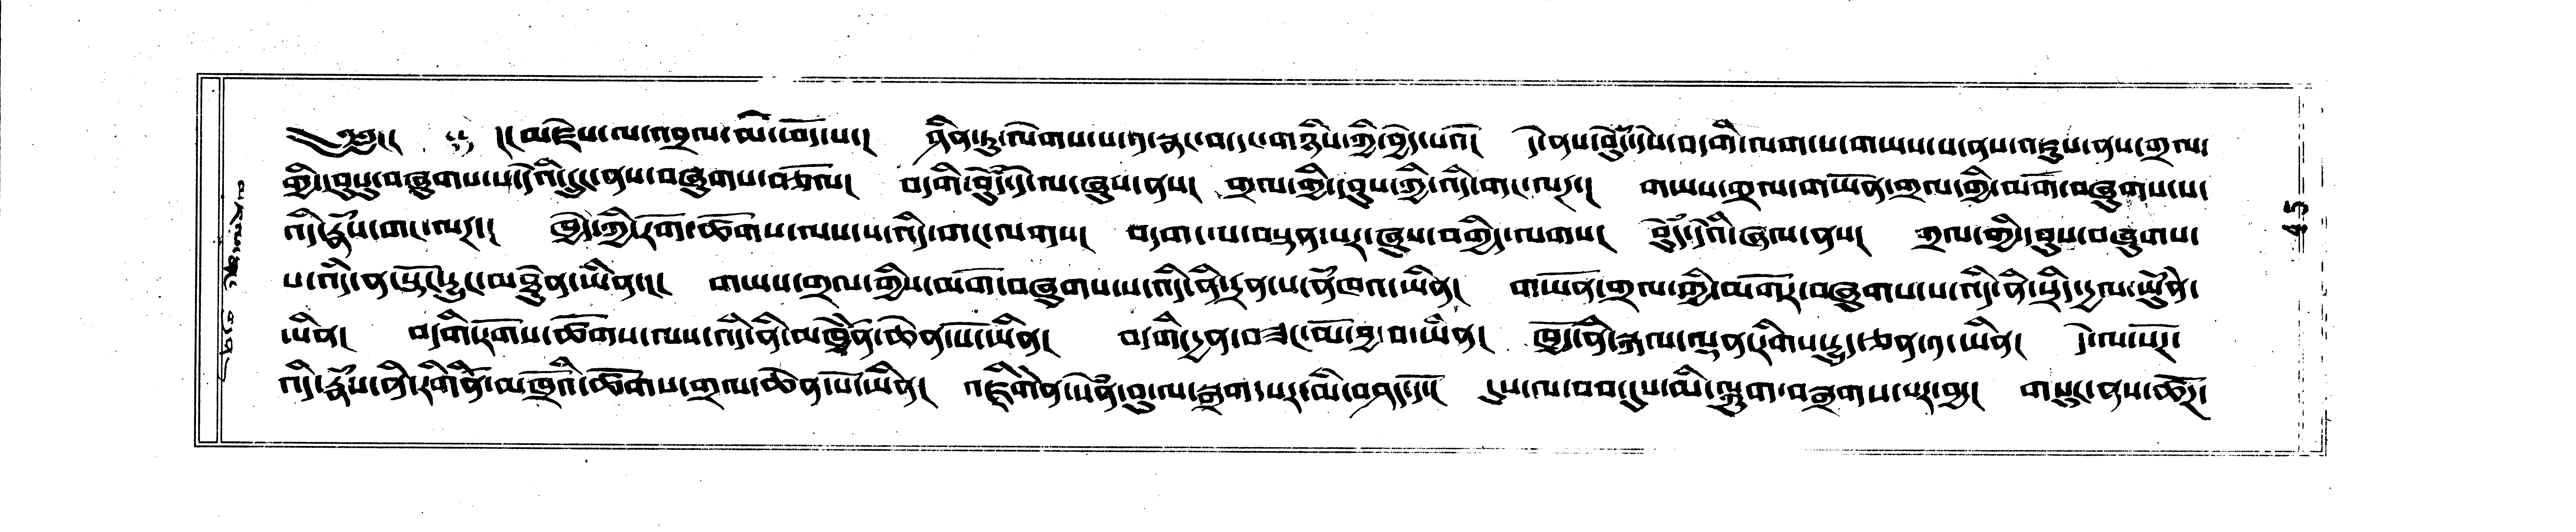མཛེས་ལ་འབྲལ་མི་ཕོད་པ། ཤིན་ཏུ་ལེགས་པ་གཅིག་སྣང་བ་དང་གཉིས་ཀྱི་བྱེད་པའོ། དེ་ནས་བུད་མེད་དེས་བདག་གི་ལག་པ་གཡས་པ་ནས་འཇུས་ནས་གྲལ་
གྱི་དབུས་སུ་བཞུགས་པ་དེའི་དྲུང་ནས་བཞུགས་བཅོལ། བདག་གི་བུད་མེད་དེ་ལ་ཞུས་ནས། གྲལ་གྱི་དབུས་ཀྱི་འདི་གང་ལགས། གཡས་གྲལ་གཡོན་གྲལ་གྱི་མགོ་བཞུགས་པ་
འདི་རྣམས་གང་ལགས། ཁྱེད་ཀྱི་རོག་ཚོགས་ལས་པ་འདི་གང་ལགས། བདག་ལ་བསྟན་པར་ཞུས་བགྱིད་ལགས། བུད་མེད་དེའི་ཞལ་ནས། གྲལ་གྱི་དབུས་བཞུགས་པ་
འདི་ན་སྟོང་རྒྱུང་མཐུ་ཆེན་ཡིན།། གཡས་གྲལ་གྱིས་མགོ་བཞུགས་པ་འདི་ནི་དྲན་པ་ནམ་མཁའ་ཡིན། གཡོན་གྲལ་གྱི་མགོར་བཞུགས་པ་འདི་ནི་སྲིད་རྒྱལ་ཡུམ་ཆེན་
ཡིན། བདག་གི་རོགས་ཚོགས་ལས་འདི་ནི་མཁྱེན་བརྩེ་ཆེན་པོ་ཡིན། བདག་ནི་རྒྱན་བཟང་མོ་བྱ་བ་ཡིན། ཁྱོད་ནི་སྐལ་ལྡན་རིགས་རྒྱུད་ཅན་གཅིག་ཡིན། དེ་ལ་སོགས་
འདི་རྣམས་ནི་རིག་འཛིན་མཁའ་འགྲོའི་ཚོགས་གྲལ་ཆེན་པོ་ཡིན། འཇིག་རྟེན་སེམས་ཅན་བུ་ལ་བསྒྲགས་པར་མི་བཤད་དོ། དུས་ལ་བབ་དུས་མི་ལྐུགས་བསྒྲགས་པར་བྱ། གསུང་ནས་ཚོགས་